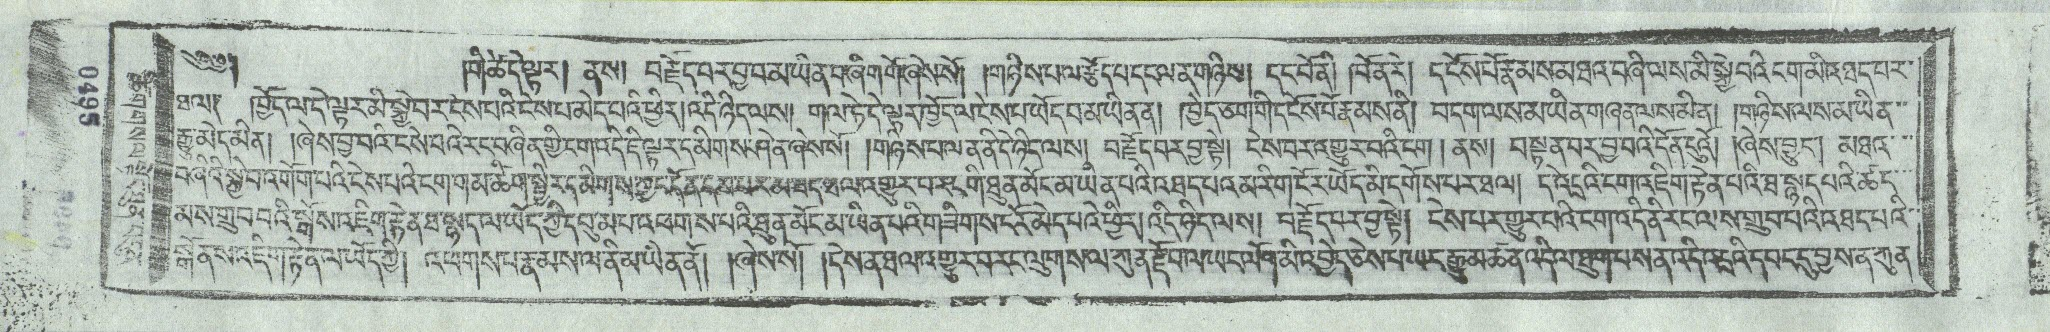༄༅། །གི་ཚེ་དེ་ལྟར། ནས། བརྗོད་པར་བྱ་བ་མ་ཡིན་པ་ཞིག་གོ་ཞེས་སོ། །གཉིས་པ་ལ་རྩོད་པ་དང་ལན་གཉིས། དང་པོ་ནི། ཁོ་ན་རེ། དངོས་པོ་རྣམས་མཐའ་བཞི་ལས་མི་སྐྱེ་བའི་ངག་མི་འཐད་པར་
ཐལ༑ ཁྱོད་ལ་དེ་ལྟར་མི་སྐྱེ་བར་ངེས་པའི་ངེས་པ་མེད་པའི་ཕྱིར། འདི་ཉིད་ལས། གལ་ཏེ་དེ་ལྟར་ཁྱོད་ལ་ངེས་པ་ཡོད་པ་མ་ཡིན་ན། ཁྱེད་ཅག་གི་དངོས་པོ་རྣམས་ནི། བདག་ལས་མ་ཡིན་གཞན་ལས་མིན། །གཉིས་ལས་མ་ཡིན་
རྒྱུ་མེད་ཡིན། །ཞེས་བྱ་བའི་ངེས་པའི་རང་བཞིན་གྱི་ངག་འདི་ཇི་ལྟར་དམིགས་ཤེན་ཞེས་སོ། །གཉིས་པ་ལན་ནི་དེ་ཉིད་ལས། བརྗོད་པར་བྱ་སྟེ། ངེས་པར་འགྱུར་པའི་ངག །ནས། བསྟན་པར་བྱ་བའི་དོན་དུའོ། །ཞེས་བྱུང་། མཐའ་
བཞིའི་སྐྱེ་བ་འགོག་པའི་ངེས་པའི་ངག་གམ་ཚིག་སྤྱིར་དམིགས་ཀྱང་དོན་དམ་པར་མ་ཟད་ཐལ་འགྱུར་བ་རང་གི་ཐུན་མོང་མ་ཡིན་པའི་འཐད་པའམ་མ་རིག་ངོར་ཡོད་མི་དགོས་པར་ཐལ། དེ་འདྲའི་ངག་འཇིག་རྟེན་པའི་ཐ་སྙད་པའི་ཚད་
མས་གྲུབ་བའི་སྒོས་འཇིག་རྟེན་ཐ་སྙད་ལ་ཡོད་ཀྱི་དབུ་མ་པ་འཕགས་པའི་ཐུན་མོང་མ་ཡིན་པའི་གཟིགས་ངོར་མེད་པའི་ཕྱིར། འདི་ཉིད་ལས། བརྗོད་པར་བྱ་སྟེ། ངེས་པར་གྱུར་པའི་ངག་འདི་ནི་རང་ལས་གྲུབ་པའི་འཐད་པའི་
སྒོ་ནས་འཇིག་རྟེན་ལ་ཡོད་ཀྱི། འཕགས་པ་རྣམས་ལ་ནི་མ་ཡིན་ནོ། །ཞེས་སོ། །དེས་ན་ཐལ་འགྱུར་བ་རང་ལུགས་ལ་ཀུན་རྫོབ་ལ་ཡང་ལོག་མི་འབྱེད་ཅེས་པ་ཡང་རྒྱུ་མཚན་འདི་ལ་ཐུག་པས་ན་འདི་འདྲའི་དབང་དུ་བྱས་ན་ཀུན་